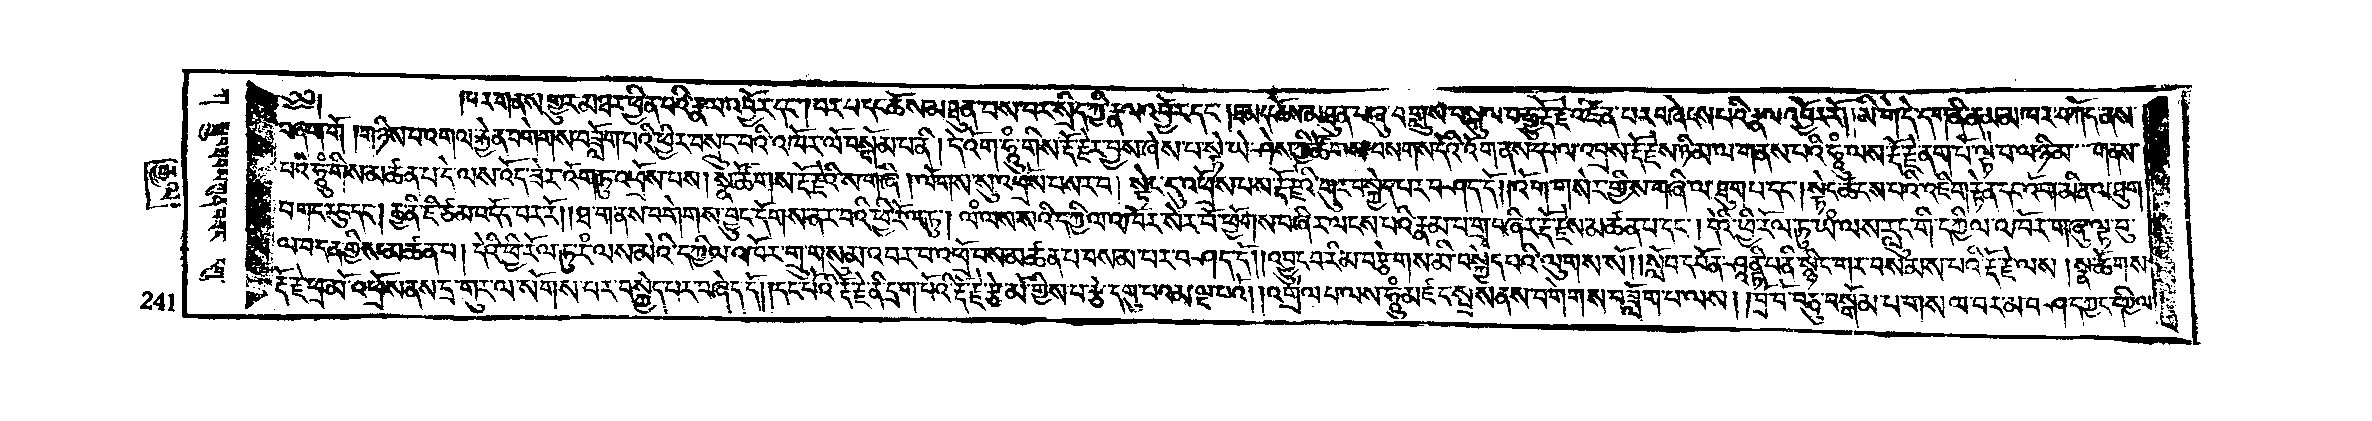༄༅། །པར་གནས་གྱུར་མཐར་ཕྱིན་པའི་རྣལ་འབྱོར་དང་། བར་པ་དང་ཆོས་མཐུན་པས་བར་སྲིད་ཀྱི་རྣལ་འབྱོར་དང་། ཐ་མ་དང་ཆོས་མཐུན་པ་ཞུ་བ་གླུས་བསྐུལ་བ་རྒྱུད་རྡོ་རྗེ་འཛིན་པར་བཞེངས་པའི་རྣལ་འབྱོར་རོ། །མི་གེ་དེ་དག་ནི་ནམ་མཁར་བཀོད་ནས་
བཞག་གོ །གཉིས་པ་འགལ་རྐྱེན་བགེགས་བཟློག་པའི་ཕྱིར་བསྲུང་བའི་འཁོར་ལོ་བསྒོམ་པ་ནི། དེ་འོག་ཧཱུཾ་གྱིས་རྡོ་རྗེར་བྱས་ཞེས་པ་སྟེ་ཡེ་ཤེས་ཀྱི་ཚོགས་བསགས་དེའི་འོག་ནས་དཔལ་འབྲས་རྡོ་རྗེས་ཉི་མ་ལ་གནས་པའི་ཧཱུཾ་ལས་རྡོ་རྗེ་ནག་པོ་ལྟེ་བ་ལ་ཉི་མ་གནས་
པའི་ཧཱུཾ་གྱིས་མཚན་པ་དེ་ལས་འོད་ཟེར་འོག་ཏུ་འཕྲོས་པས། སྣ་ཚོགས་རྡོ་རྗེའི་ས་གཞི། ལོགས་སུ་འཕྲོས་པས་ར་བ། སྟེང་དུ་འཕྲོས་པས་རྡོ་རྗེའི་གུར་བསྐྱེད་པར་བཤད་དོ། །འོག་གསེར་གྱི་ས་གཞི་ལ་ཐུག་པ་དང་། སྟེང་ཚངས་པའི་འཇིག་རྟེན་དང་འོག་མིན་ལ་ཐུག་
པ་གང་རུང་དང་། རྒྱ་ནི་ཇི་ཙམ་འདོད་པར་རོ། །ཐ་ག་ནས་བགེགས་བྱུང་དོགས་ན་ར་བའི་ཕྱི་རོལ་ཏུ། ལཾ་ལས་སའི་དཀྱིལ་འཁོར་སེར་པོ་ཕྱོགས་བཞིར་ལངས་པའི་རྣམ་པ་གྲྭ་བཞིར་རྡོ་རྗེས་མཚན་པ་དང་། དེའི་ཕྱི་རོལ་ཏུ་ཡཾ་ལས་རླུང་གི་དཀྱིལ་འཁོར་གཞུ་ལྟ་བུ་
ལ་བ་དན་གྱིས་མཚན་པ། དེའི་ཕྱི་རོལ་ཏུ་རཾ་ལས་མེའི་དཀྱིལ་འཁོར་གྲུ་གསུམ་འབར་བ་འཕྲོ་བས་མཚན་པ་བསམ་པར་བཤད་དོ། །འབྱུང་བ་རིམ་བརྩེགས་མི་བསྐྱེད་པའི་ལུགས་སོ། །སློབ་དཔོན་ཤཱནཏི་པ་ནི་སྙིང་གར་བསམས་པའི་རྡོ་རྗེ་ལས། །སྣ་ཚོགས་
རྡོ་རྗེ་ཕྲ་མོ་འཕྲོས་ནས་དྲ་གུར་ལ་སོགས་པར་བསྐྱེད་པར་བཞེད་དོ། །དང་པོའི་རྡོ་རྗེ་ནི་དྲག་པོའི་རྡོ་རྗེ་རྩེ་མོ་གྱིས་པ་རྩེ་དགུ་པའམ་ལྔ་པའོ། །འགྲེལ་པ་ལས་ཧཱུཾ་མཛད་སྤྲས་ནས་བགེགས་བཟློག་པ་ལས། ཁྲོ་བོ་བཅུ་བསྒོམ་པ་གསལ་བར་མ་བཤད་ཀྱང་དཀྱིལ་